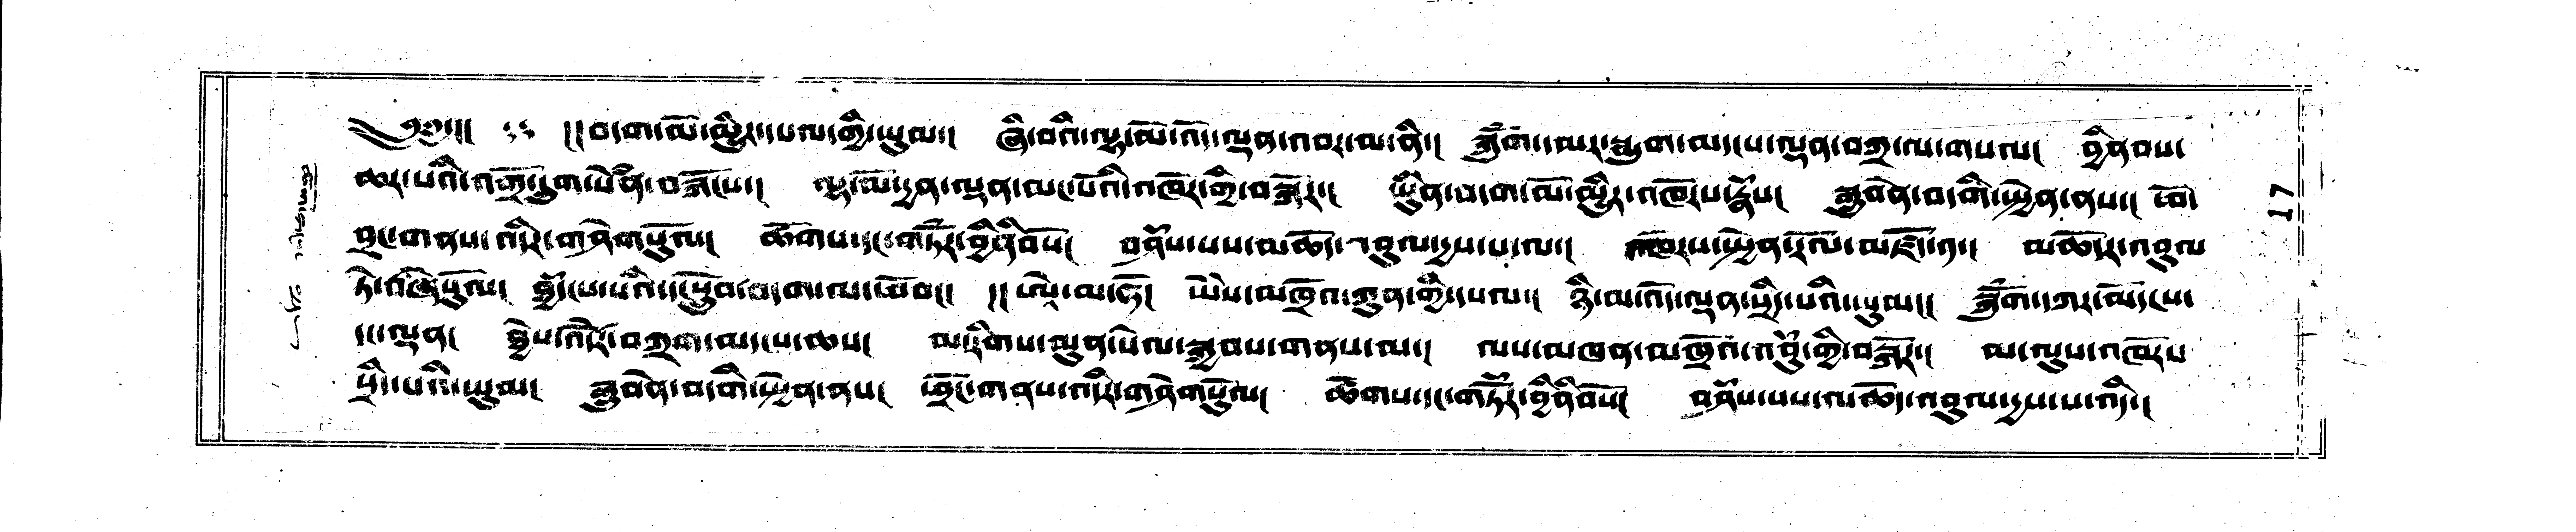བདག་མོ་མི་འགྱུར་དཔལ་གྱི་ཡུམ། ཞི་བའི་ལྷ་མོ་འོད་ལྡན་འབར་མ་ནི། སྐུ་མདོག་དམར་སྨུག་མདངས་ལྡན་བཀྲ་ལ་གསལ། བྱིན་རླབས་
ཆར་པའི་འགྲོ་དྲུག་སེམས་ཅན་བསྐོངས། ལྷ་མོ་རྒྱན་ལྡན་མང་པོས་འཁོར་གྱིས་བསྐོར། ཡུམ་ཆེན་བདག་མོ་མི་འགྱུར་འཁོར་བཅས་རྣམས། སྒྲུབ་ཆེན་བདག་གིས་སྤྱན་འདྲེན་ནས། ཕོ་
བྲང་གནས་འདིར་གཤེགས་སུ་གསོལ། ཚོགས་དང་གཏོར་མ་བྱིན་གྱིས་རློབས། བཤམས་པས་མཆོད་འབུལ་རྒྱས་པ་ལ། འཁོར་བཅས་སྤྱན་འདྲེན་རོལ་མཛོད་གཅིག མཆོད་པར་འབུལ་
ཏེ་བཞེས་སུ་གསོལ། ཐུགས་དམ་བསྐངས་པའི་དངོས་གྲུབ་བདག་ལ་ཕོབ།།།།ཨེ་མ་ཧོ། ཡེ་ཤེས་མཁའ་འགྲོ་ཀུན་གྱི་དཔལ། ཉི་མ་འོད་ལྡན་སྲིད་པའི་ཡུམ། སྐུ་མདོག་དཀར་མོ་མདངས་དང་
ལྡན། ཐུགས་རྗེ་འོད་ཟེར་བཀྲག་མདངས་ཆས། མ་རིག་མུན་སེལ་སྐྱབས་གནས་མ། ལས་མཁན་མཁའ་འགྲོ་འབུམ་གྱིས་བསྐོར། མ་ལུས་འཁོར་
སྲིད་པའི་ཡུམ། སྒྲུབ་ཆེན་བདག་གིས་སྤྱན་འདྲེན་ནས། ཕོ་བྲང་གནས་འདིར་གཤེགས་སུ་གསོལ། ཚོགས་དང་གཏོར་མ་བྱིན་གྱིས་རློབས། བཤམས་པས་མཆོད་འབུལ་རྒྱས་པ་འདི།